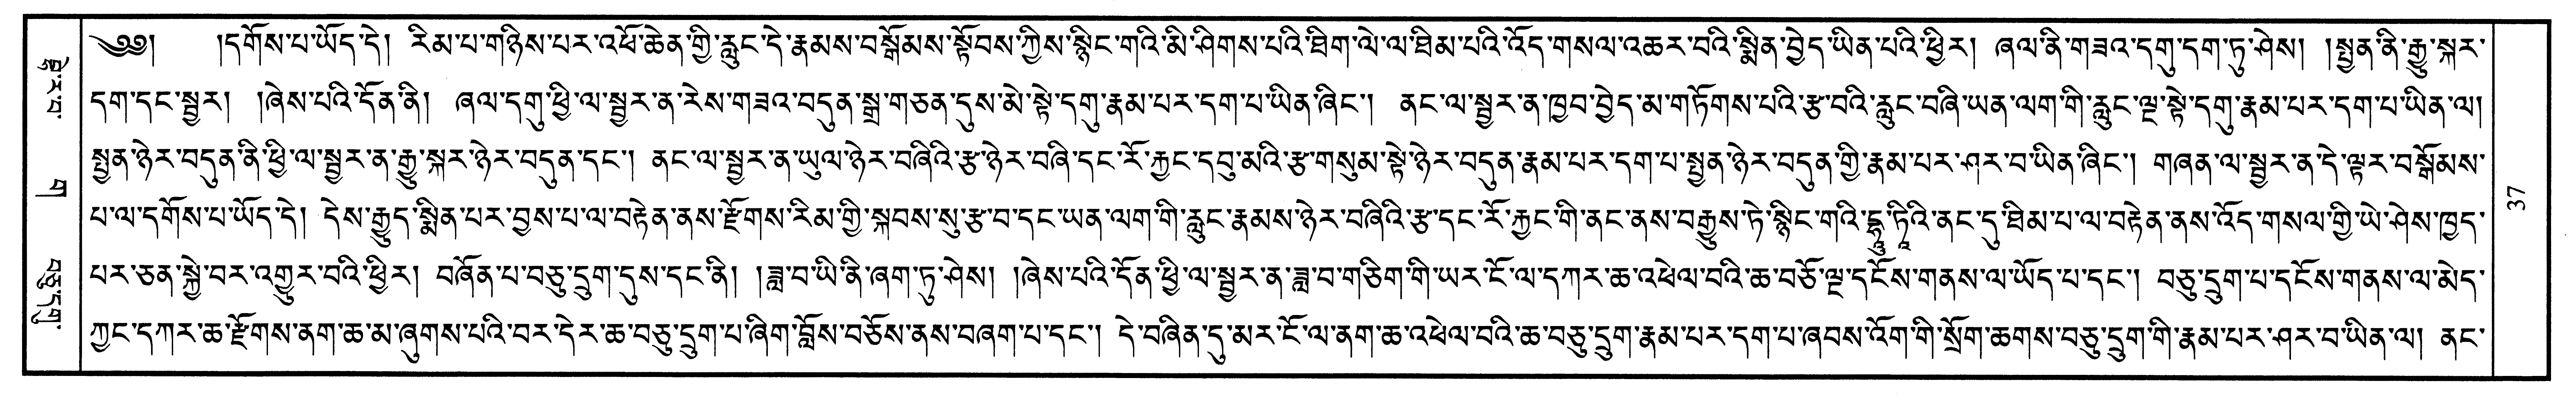༄༅། །དགོས་པ་ཡོད་དེ། རིམ་པ་གཉིས་པར་འཕོ་ཆེན་གྱི་རླུང་དེ་རྣམས་བསྒོམས་སྟོབས་ཀྱིས་སྙིང་གའི་མི་ཤིགས་པའི་ཐིག་ལེ་ལ་ཐིམ་པའི་འོད་གསལ་འཆར་བའི་སྨིན་བྱེད་ཡིན་པའི་ཕྱིར། ཞལ་ནི་གཟའ་དགུ་དག་ཏུ་ཤེས། །སྤྱན་ནི་རྒྱུ་སྐར་
དག་དང་སྦྱར། །ཞེས་པའི་དོན་ནི། ཞལ་དགུ་ཕྱི་ལ་སྦྱར་ན་རེས་གཟའ་བདུན་སྒྲ་གཅན་དུས་མེ་སྟེ་དགུ་རྣམ་པར་དག་པ་ཡིན་ཞིང་། ནང་ལ་སྦྱར་ན་ཁྱབ་བྱེད་མ་གཏོགས་པའི་རྩ་བའི་རླུང་བཞི་ཡན་ལག་གི་རླུང་ལྔ་སྟེ་དགུ་རྣམ་པར་དག་པ་ཡིན་ལ།
སྤྱན་ཉེར་བདུན་ནི་ཕྱི་ལ་སྦྱར་ན་རྒྱུ་སྐར་ཉེར་བདུན་དང་། ནང་ལ་སྦྱར་ན་ཡུལ་ཉེར་བཞིའི་རྩ་ཉེར་བཞི་དང་རོ་རྐྱང་དབུ་མའི་རྩ་གསུམ་སྟེ་ཉེར་བདུན་རྣམ་པར་དག་པ་སྤྱན་ཉེར་བདུན་གྱི་རྣམ་པར་ཤར་བ་ཡིན་ཞིང་། གཞན་ལ་སྦྱར་ན་དེ་ལྟར་བསྒོམས་
པ་ལ་དགོས་པ་ཡོད་དེ། དེས་རྒྱུད་སྨིན་པར་བྱས་པ་ལ་བརྟེན་ནས་རྫོགས་རིམ་གྱི་སྐབས་སུ་རྩ་བ་དང་ཡན་ལག་གི་རླུང་རྣམས་ཉེར་བཞིའི་རྩ་དང་རོ་རྐྱང་གི་ནང་ནས་བརྒྱུས་ཏེ་སྙིང་གའི་དྷཱུ་ཏཱིའི་ནང་དུ་ཐིམ་པ་ལ་བརྟེན་ནས་འོད་གསལ་གྱི་ཡེ་ཤེས་ཁྱད་
པར་ཅན་སྐྱེ་བར་འགྱུར་བའི་ཕྱིར། བཞོན་པ་བཅུ་དྲུག་དུས་དང་ནི། །ཟླ་བ་ཡི་ནི་ཞག་ཏུ་ཤེས། །ཞེས་པའི་དོན་ཕྱི་ལ་སྦྱར་ན་ཟླ་བ་གཅིག་གི་ཡར་ངོ་ལ་དཀར་ཆ་འཕེལ་བའི་ཆ་བཅོ་ལྔ་དངོས་གནས་ལ་ཡོད་པ་དང་། བཅུ་དྲུག་པ་དངོས་གནས་ལ་མེད་
ཀྱང་དཀར་ཆ་རྫོགས་ནག་ཆ་མ་ཞུགས་པའི་བར་དེར་ཆ་བཅུ་དྲུག་པ་ཞིག་བློས་བཅོས་ནས་བཞག་པ་དང་། དེ་བཞིན་དུ་མར་ངོ་ལ་ནག་ཆ་འཕེལ་བའི་ཆ་བཅུ་དྲུག་རྣམ་པར་དག་པ་ཞབས་འོག་གི་སྲོག་ཆགས་བཅུ་དྲུག་གི་རྣམ་པར་ཤར་བ་ཡིན་ལ། ནང་